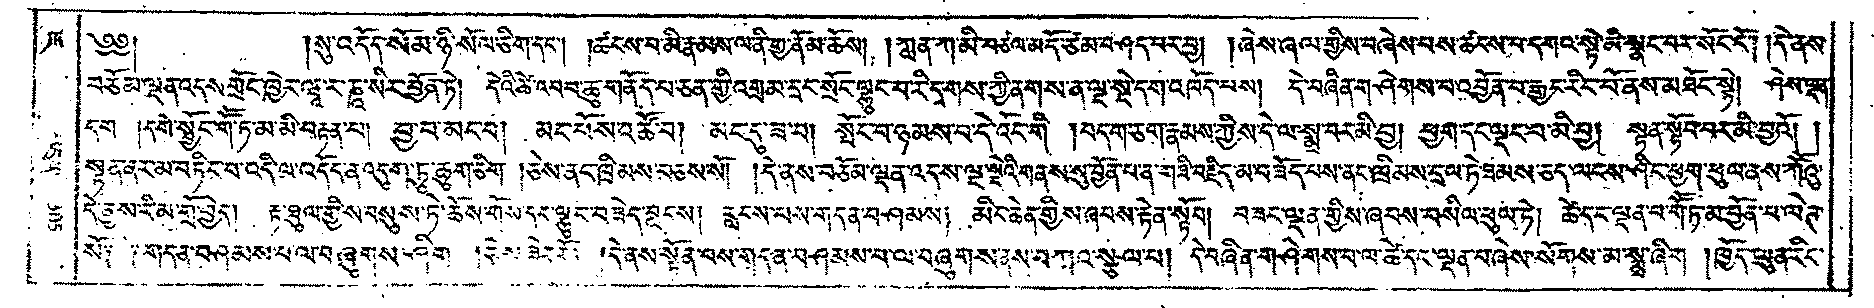༄༅། །སུ་འདོད་སོམ་ཉི་སོལ་ཅིག་དང་། །ཚངས་པ་མི་རྣམས་ལ་ནི་གྱ་ནོམ་ཆོས། །ཀླན་ཀ་མི་བཙལ་མདོ་ཙམ་བཤད་པར་བྱ། །ཞེས་ཞལ་གྱིས་བཞེས་པས་ཚངས་པ་དགའ་སྟེ་མི་སྣང་བར་སོང་ངོ། །དེ་ནས་
བཅོམ་ལྡན་འདས་གྲོང་ཁྱེར་ཝཱ་ར་ཎཱ་སིར་བྱོན་ཏེ། དེའི་ཚེ་འབབ་ཆུ་གནོད་པ་ཅན་གྱི་འགྲམ་དྲང་སྲོང་ལྷུང་བ་རི་དྭགས་ཀྱི་ནགས་ན་ལྔ་སྡེ་དག་འཁོད་པས། དེ་བཞིན་གཤེགས་པ་འབྱོན་པ་རྒྱང་རིང་པོ་ནས་མཐོང་སྟེ། ཤེས་ལྡན་
དག །དགེ་སྦྱོང་གཽ་ཏ་མ་མི་བརྟན་པ། བྱ་བ་མང་བ། མང་པོས་འཚོ་བ། མང་དུ་ཟ་བ། སྤོང་པ་ཉམས་པ་དེ་འོང་གི །བདག་ཅག་རྣམས་ཀྱིས་དེ་ལ་སྨྲ་བར་མི་བྱ། ཕྱག་དང་ལྡང་བ་མི་བྱ། སྟན་སྟོབ་པར་མི་བྱའོ། །
སྟན་ནར་མ་བཏིང་པ་འདི་ལ་འདོད་ན་འདུག་ཏུ་ཆུག་ཅིག །ཅེས་ནང་ཁྲིམས་བཅས་སོ། །དེ་ནས་བཅོམ་ལྡན་འདས་ལྔ་སྡེའི་གནས་སུ་བྱོན་པ་ན་གཟི་བརྗིད་མ་བཟོད་པས་ནང་ཁྲིམས་དྲལ་ཏེ་ཐམས་ཅད་ལངས་ཤིང་ཕྱག་ཕུལ་ནས་ཀཽའུ་
དེ་ནྱས་རིམ་གྲོ་བྱེད། རྟ་ཐུལ་གྱིས་བསུས་ཏེ་ཆོས་གོས་དང་ལྷུང་བཟེད་བླངས། རླངས་པས་གདན་བཤམས། མིང་ཆེན་གྱིས་ཞབས་རྟེན་སྟོབ། བཟང་ལྡན་གྱིས་ཞབས་བསིལ་ཕུལ་ཏེ། ཚེ་དང་ལྡན་པ་གཽ་ཏ་མ་བྱོན་པ་ལེགས་
སོ༑ ༑གདན་བཤམས་པ་ལ་བཞུགས་ཤིག །ཅེས་ཟེར་རོ། །དེ་ནས་སྟོན་པས་གདན་བཤམས་པ་ལ་བཞུགས་ནས་བཀའ་སྩལ་པ། དེ་བཞིན་གཤེགས་པ་ལ་ཚེ་དང་ལྡན་པ་ཞེས་སོགས་མ་སྨྲ་ཞིག །ཁྱོད་ཡུན་རིང་